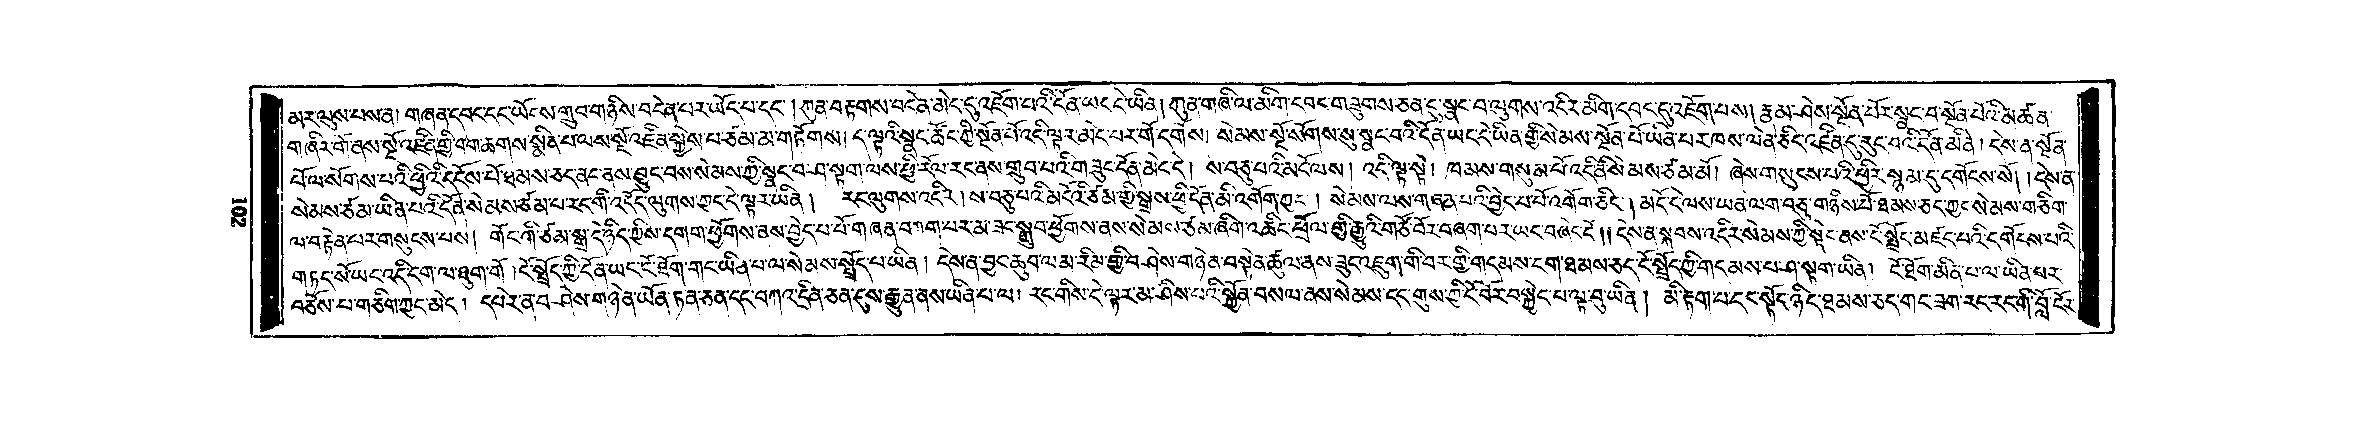མར་ལུས་པས་ན། གཞན་དབང་དང་ཡོངས་གྲུབ་གཉིས་བདེན་པར་ཡོད་པ་དང་། ཀུན་བརྟགས་བདེན་མེད་དུ་འཇོག་པའི་དོན་ཡང་དེ་ཡིན། ཀུན་གཞི་ལ་མིག་དབང་གཟུགས་ཅན་དུ་སྣང་བ་ལུགས་འདིར་མིག་དབང་དུ་འཇོག་པས། རྣམ་ཤེས་སྔོན་པོར་སྣང་བ་སྔོན་པོའི་མཚན་
གཞིར་གོ་ནས་སྔོ་འཛིན་གྱི་བག་ཆགས་སྨིན་པ་ལས་སྔོ་འཛིན་སྐྱེས་པ་ཙམ་མ་གཏོགས། ད་ལྟའི་སྣང་ཚོང་ཀྱི་སྔོན་པོ་འདི་ལྟར་མེད་པར་གོ་དགོས། སེམས་སྔོ་སོགས་སུ་སྣང་བའི་དོན་ཡང་དེ་ཡིན་གྱི་སེམས་སྔོན་པོ་ཡིན་པར་ཁས་ལེན་ཅིང་འཛིན་དུ་རུང་བའི་དོན་མིན། དེས་ན་སྔོན་
པོ་ལ་སོགས་པའི་ཕྱིའི་དངོས་པོ་ཐམས་ཅད་ནང་ནས་བྱུང་བས་སེམས་ཀྱི་སྣང་བ་ཤ་སྟག་ལས་ཕྱི་རོལ་རང་ནས་གྲུབ་པའི་གཟུང་དོན་མེད་དེ། ས་བཅུ་པའི་མདོ་ལས། འདི་ལྟ་སྟེ། ཁམས་གསུམ་པོ་འདི་ནི་སེམས་ཙམ་མོ། ཞེས་གསུངས་པའི་ཕྱིར་སྙམ་དུ་དགོངས་སོ། །དེས་ན་
སེམས་ཙམ་ཡིན་པའི་དོན་སེམས་ཙམ་པ་རང་གི་འདོད་ལུགས་ཀྱང་དེ་ལྟར་ཡིན། རང་ལུགས་འདིར། ས་བཅུ་པའི་མདོའི་ཙམ་གྱི་སྒྲས་ཕྱི་དོན་མི་འགོག་ཀྱང་། སེམས་ལས་གཞན་པའི་བྱེད་པ་པོ་འགོག་ཅིང་། མདོ་དེ་ལས་ཡན་ལག་བཅུ་གཉིས་པོ་ཐམས་ཅད་ཀྱང་སེམས་གཅིག་
ལ་བརྟེན་པར་གསུངས་པས། གོང་གི་ཙམ་སྒྲ་དེ་ཉིད་ཀྱིས་དགག་ཕྱོགས་ནས་བྱེད་པ་པོ་གཞན་བཀག་པར་མ་ཟང་སྒྲུབ་ཕྱོགས་ནས་སེམས་ཙམ་ཞིག་འཆིང་ཕྲོལ་གྱི་རྒྱུའི་གཙོ་བོར་བཞག་པར་ཡང་བཞེད་དོ། །དེས་ན་སྐབས་འདིར་སེམས་ཀྱི་སྟེང་ནས་ངོ་སྤྲོད་མཛད་པའི་དགོངས་པའི་
གཏད་སོ་ཡང་འདི་དག་ལ་ཐུག་གོ །ངོ་སྤྲོད་ཀྱི་དོན་ཡང་ངོ་ཐོག་གང་ཡིན་པ་ལ་སེམས་སྤྲོད་པ་ཡིན། དེས་ན་བྱང་ཆུབ་ལམ་རིམ་གྱི་བཤེས་གཉེན་བསྟེན་ཚུལ་ནས་ཟུང་འཇུག་གི་བར་གྱི་གདམས་ངག་ཐམས་ཅད་ངོ་སྤྲོད་ཀྱི་གདམས་པ་ཤ་སྟག་ཡིན། ངོ་ཐོག་མིན་པ་ལ་ཡིན་པར་
བཅོས་པ་གཅིག་ཀྱང་མེད། དཔེར་ན་བཤེས་གཉེན་ཡོན་ཏན་ཅན་དང་བཀའ་དྲིན་ཅན་དུས་རྒྱུན་ནས་ཡིན་པ་ལ། རང་གིས་དེ་ལྟར་མ་ཤིས་པའི་སྐྱོན་བསལ་ནས་སེམས་དད་གུས་ཀྱི་ངོ་བོར་བསྐྱེད་པ་ལྟ་བུ་ཡིན། མི་རྟག་པ་དང་སྟོང་ཉིད་ཐམས་ཅད་གང་ཟག་རང་རང་གི་བློ་ངོར་